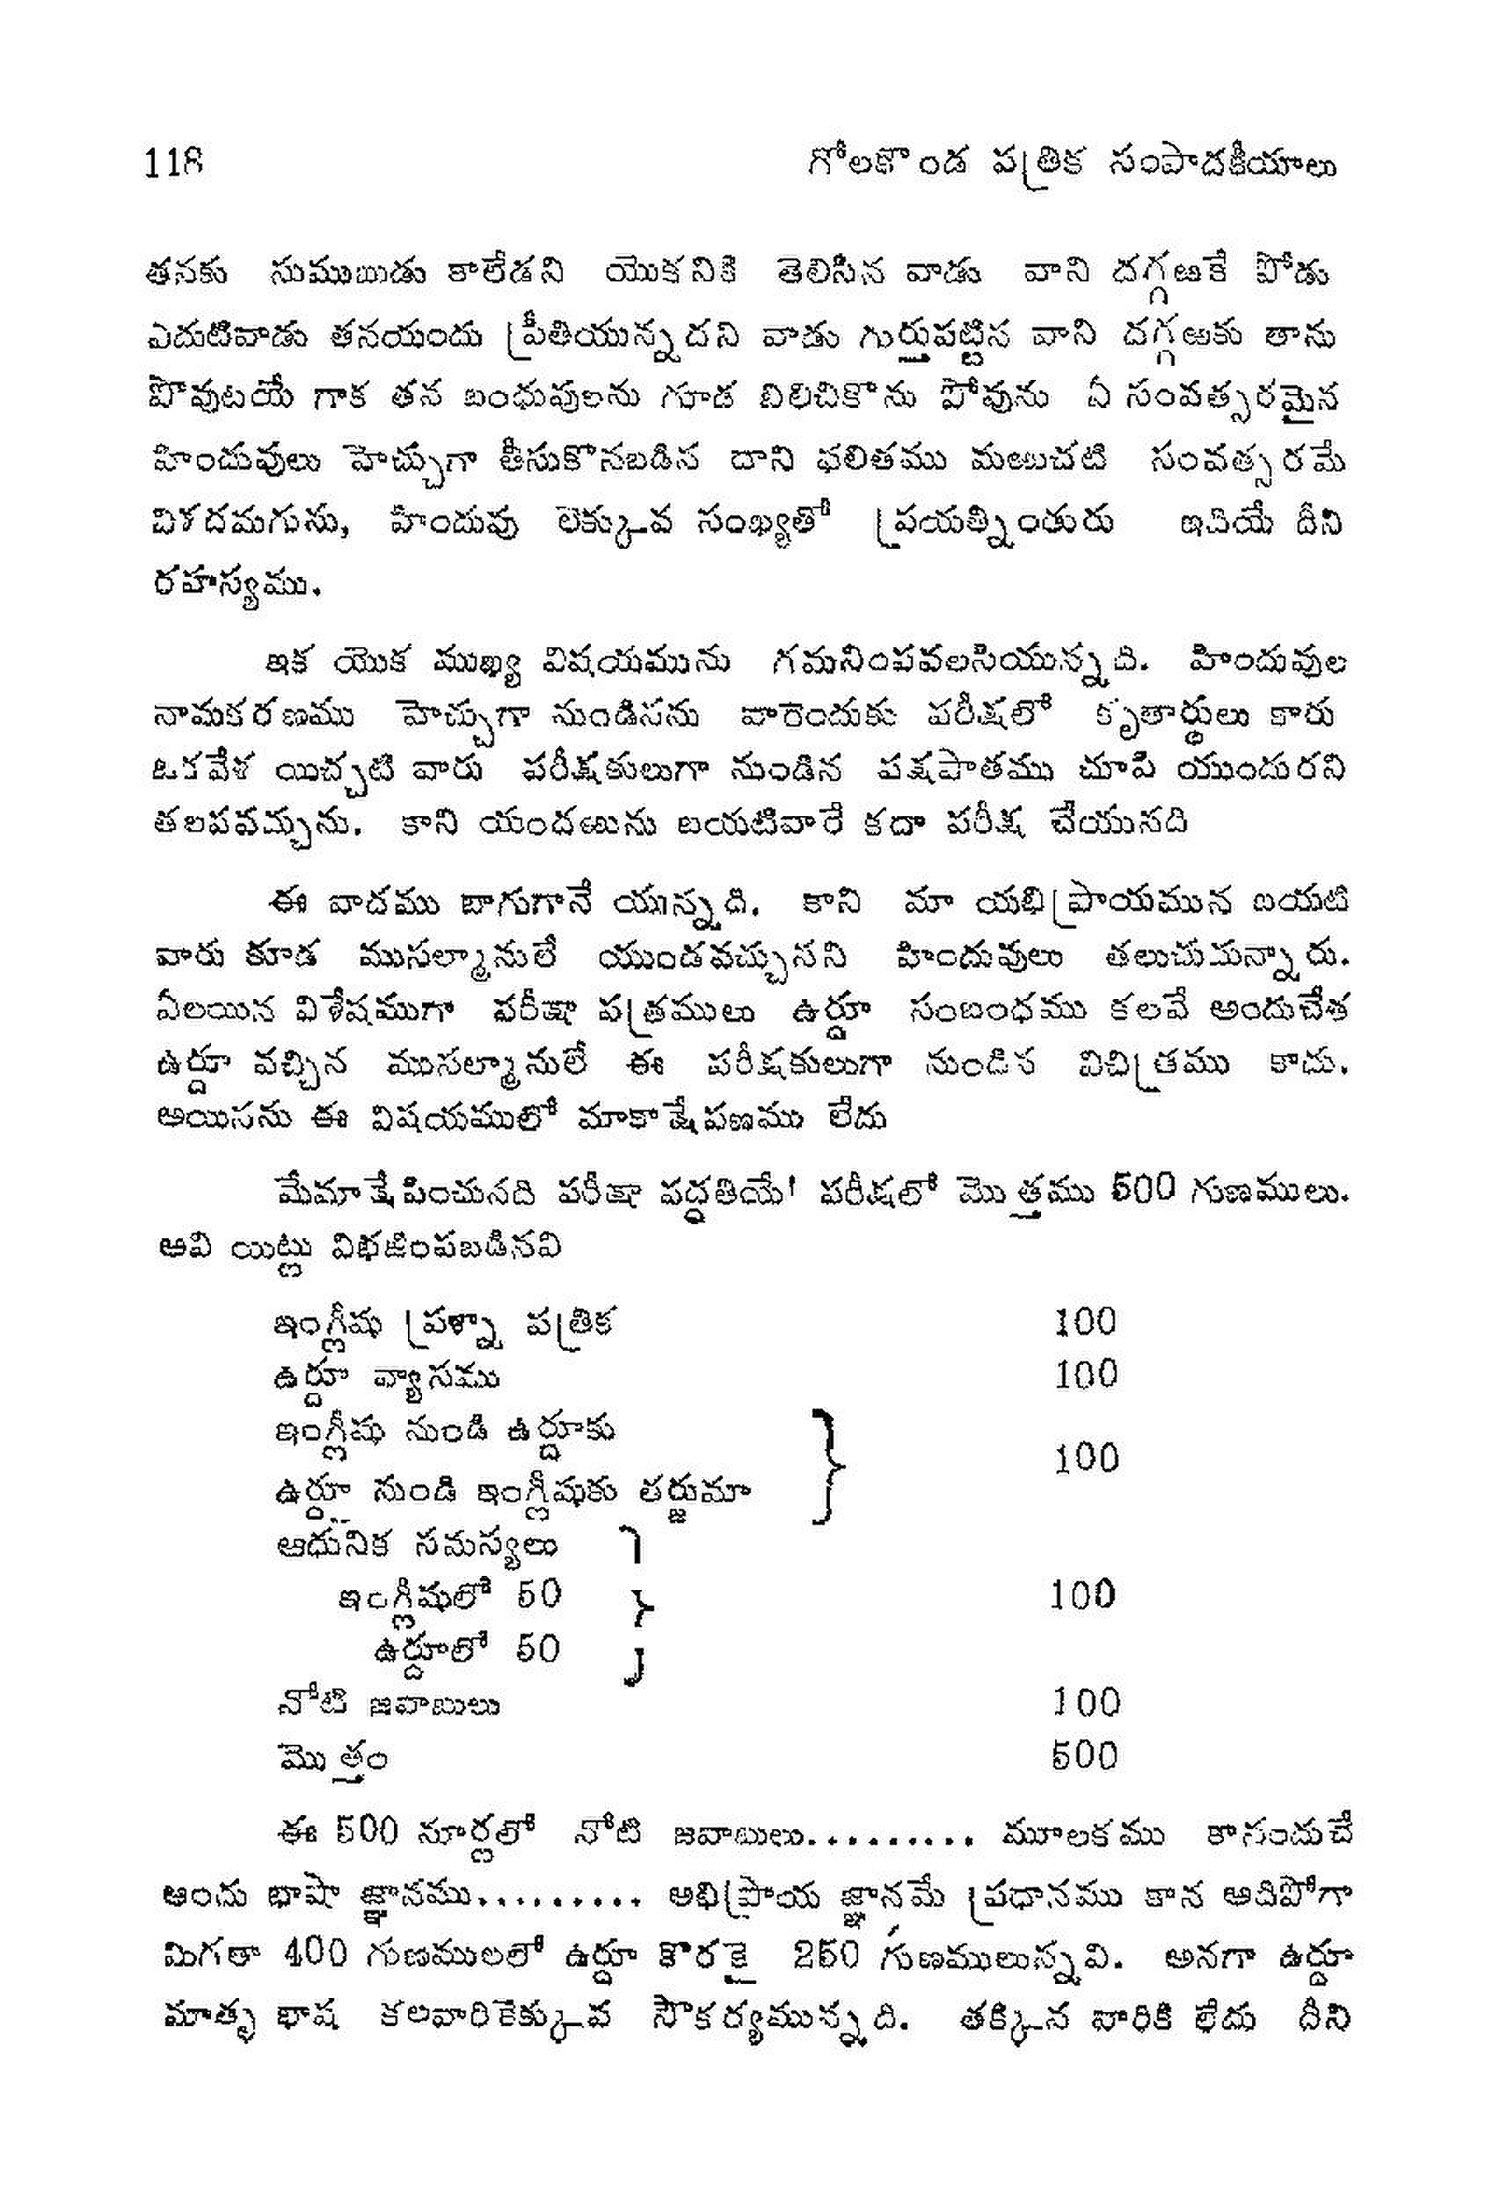తనకు సుముఖుడు కాలేడని యొకనికి తెలిసిన వాడు వాని దగ్గఱకే పోడు ఎదుటివాడు తనయందు ప్రీతియున్నదని వాడు గుర్తుపట్టిన వాని దగ్గఱకు తాను పోవుటయే గాక తన బంధువులను గూడ బిలిచికొను పోవును ఏ సంవత్సరమైన హిందువులు హెచ్చుగా తీసుకొనబడిన దాని ఫలితము మఱుచటి సంవత్సరమే
విశదమగును, హిందువు లెక్కువ సంఖ్యతో ప్రయత్నింతురు ఇదియే దీని రహస్యము.

ఇక యొక ముఖ్య విషయమును గమనింపవలసియున్నది. హిందువుల నామకరణము హెచ్చుగా నుండినను వారెందుకు పరీక్షలో కృతార్థులు కారు ఒకవేళ యిచ్చటి వారు పరీక్షకులుగా నుండిన పక్షపాతము చూపి యుందురని
తలపవచ్చును. కాని యందఱును బయటివారే కదా పరీక్ష చేయునది

ఈ వాదము బాగుగానే యున్నది. కాని మా యభిప్రాయమున బయటివారు కూడ ముసల్మానులే యుండవచ్చునని హిందువులు తలుచుచున్నారు. ఏలయిన విశేషముగా పరీక్షా పత్రములు ఉర్దూ సంబంధము కలవే అందుచేత ఉర్దూ వచ్చిన ముసల్మానులే ఈ పరీక్షకులుగా నుండిన విచిత్రము కాదు. అయినను ఈ విషయములో మాకాక్షేపణము లేదు

మేమాక్షేపించునది పరీక్షా పద్ధతియే! పరీక్షలో మొత్తము 500 గుణములు. అవి యిట్లు విభజింపబడినవి

 ఇంగ్లీషు ప్రశ్నా పత్రిక 100 ఉర్దూ వ్యాసము 100 ఇంగ్లీషు నుండి ఉర్దూకు, ఉర్దూ నుండి ఇంగ్లీషుకు తర్జుమా 100 ఆధునిక సమస్యలు ఇంగ్లీషులో 50, ఉర్దూలో 50 100 నోటి జవాబులు 100 మొత్తం 500

ఈ 500 నూర్లలో నోటి జవాబులు.............. మూలకము కానందుచే అందు భాషా జ్ఞానము..... అభిప్రాయ జ్ఞానమే ప్రధానము కాన అదిపోగా మిగతా 400 గుణములలో ఉర్దూ కొరకై 250 గుణములున్నవి. అనగా ఉర్దూ మాతృ భాష కలవారికెక్కువ సౌకర్యమున్నది. తక్కిన వారికి లేదు దీని